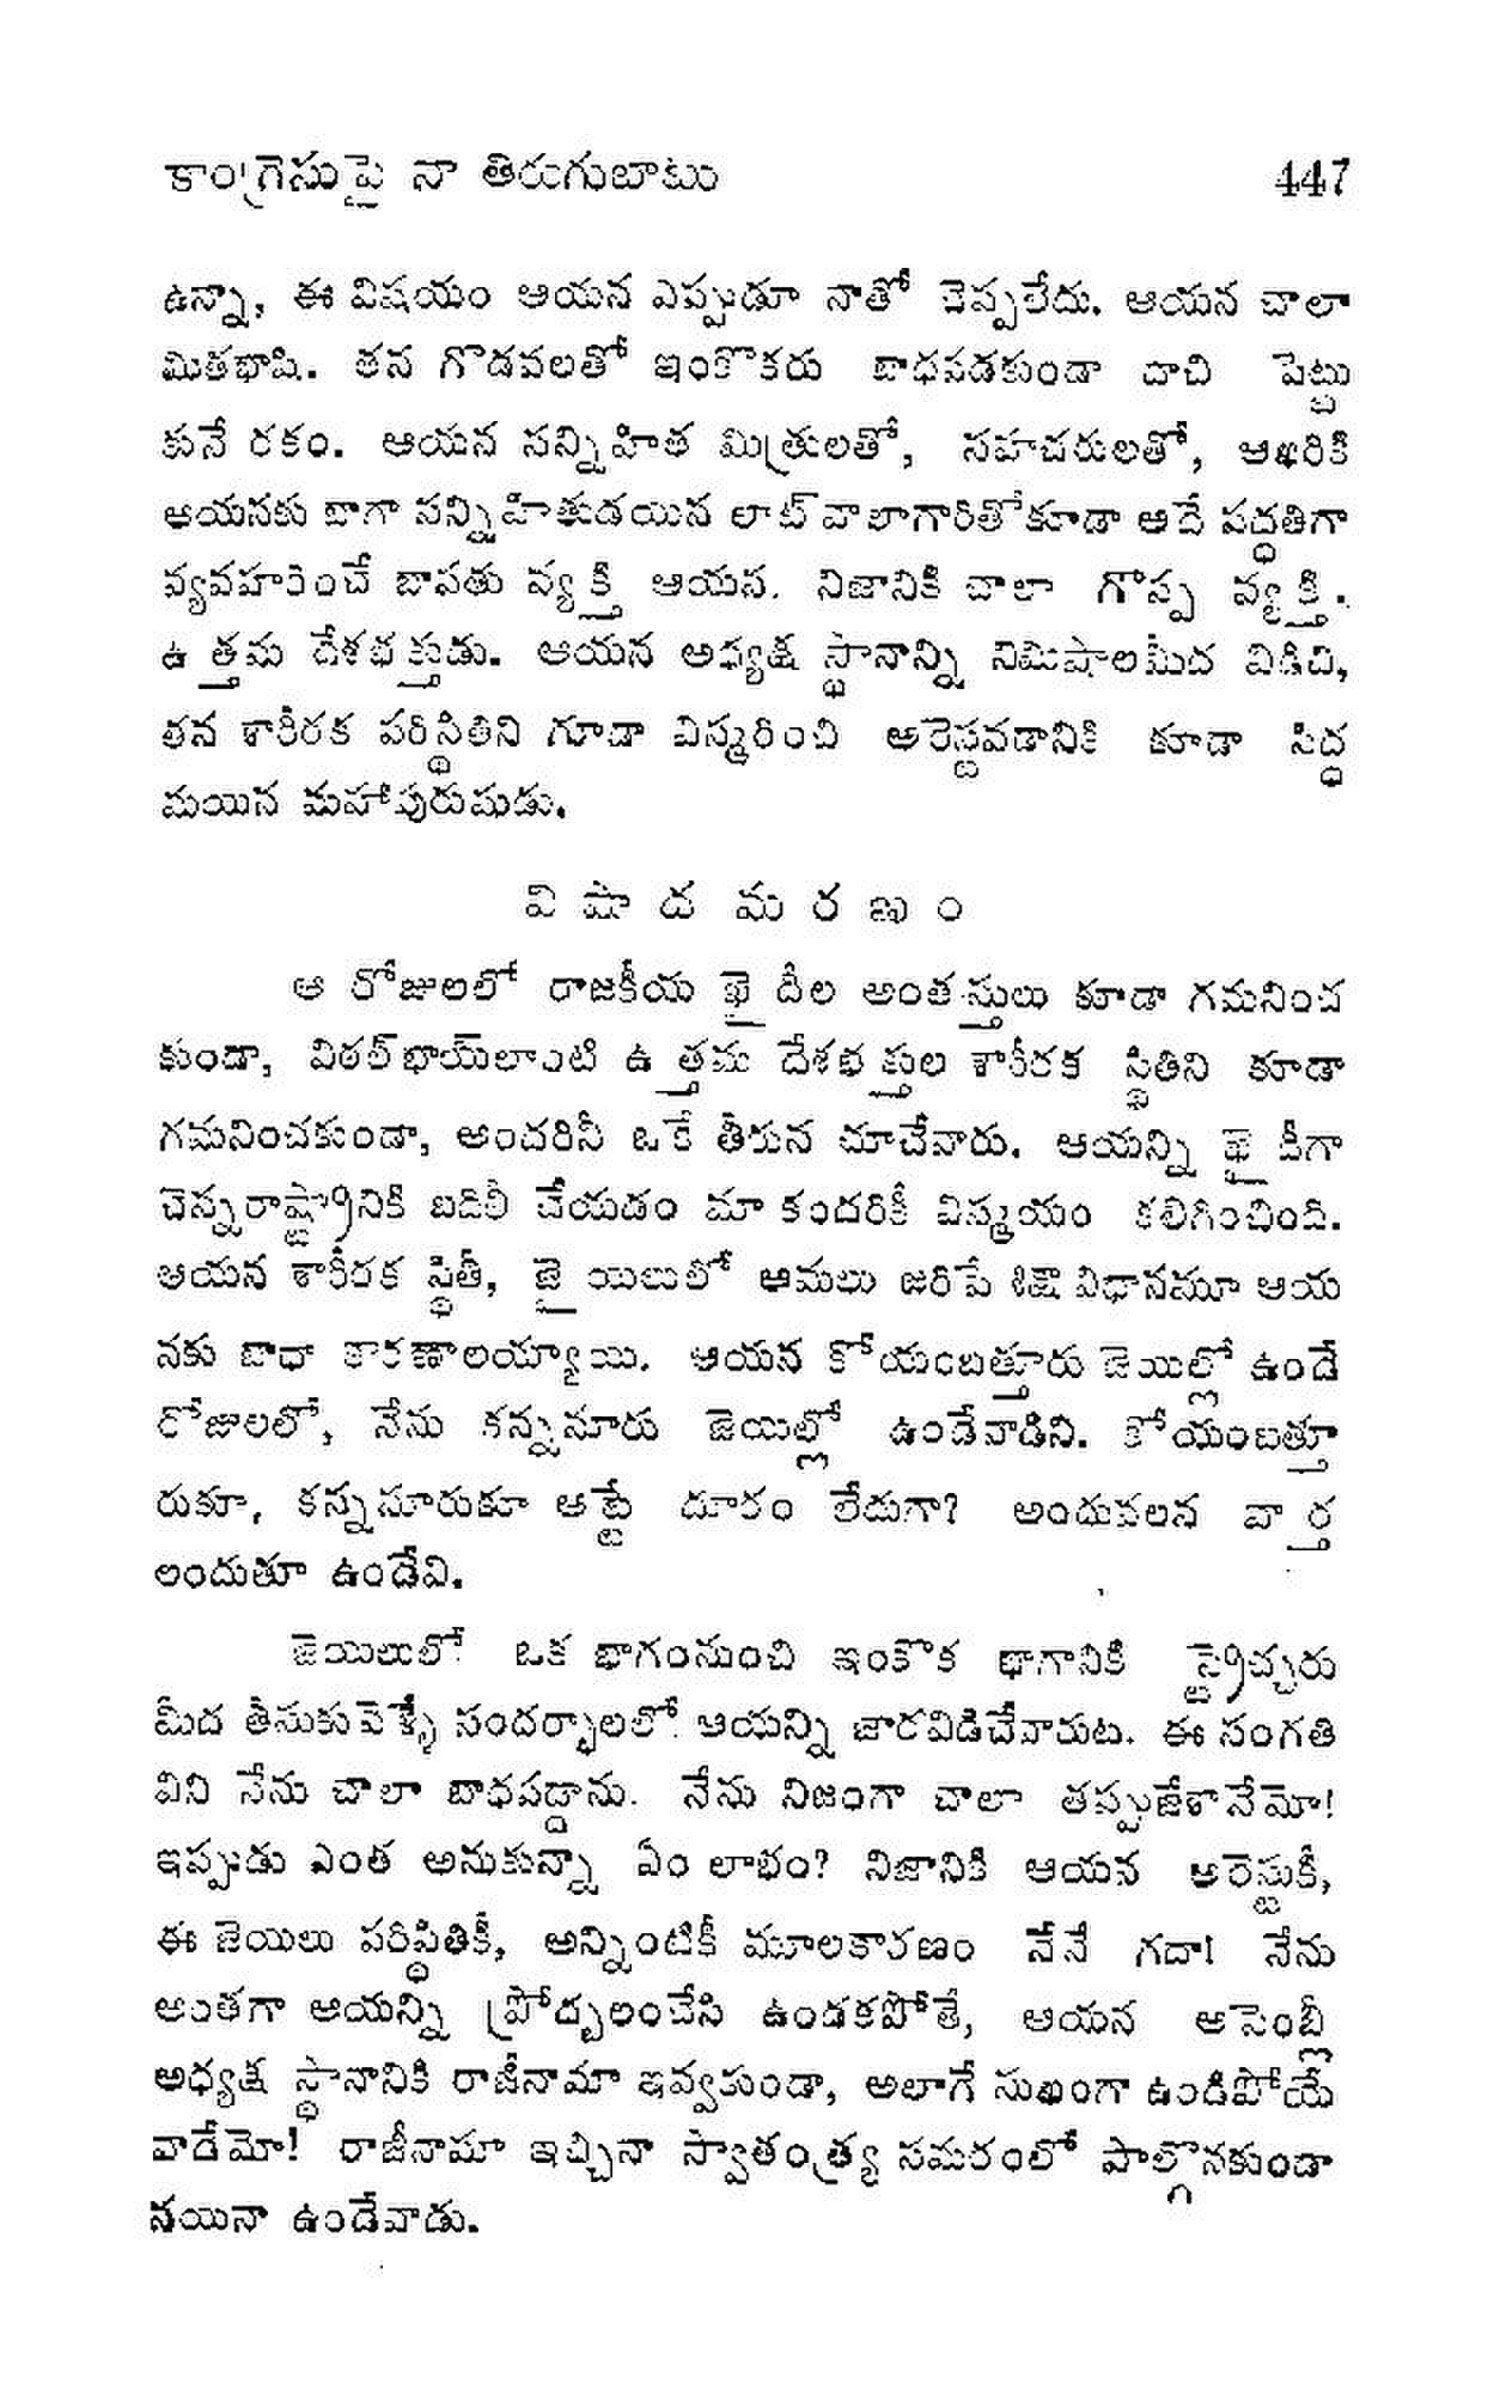ఉన్నా, ఈ విషయం ఆయన ఎప్పుడూ నాతో చెప్పలేదు. ఆయన చాలా మితభాషి. తన గొడవలతో ఇంకొకరు బాధపడకుండా దాచి పెట్టుకునే రకం. ఆయన సన్నిహిత మిత్రులతో, సహచరులతో, ఆఖరికి ఆయనకు బాగా సన్నిహితుడయిన లాట్‌వాలాగారితోకూడా అదే పద్దతిగా వ్యవహరించే బాపతు వ్యక్తి ఆయన. నిజానికి చాలా గొప్ప వ్యక్తి. ఉత్తమ దేశభక్తుడు. ఆయన అధ్యక్ష స్థానాన్ని, నిమిషాలమీద విడిచి, తన శారీరక పరిస్థితిని గూడా విస్మరించి అరెస్టవడానికి కూడా సిద్ధమయిన మహాపురుషుడు.

ఆ రోజులలో రాజకీయ ఖైదీల అంతస్తులు కూడా గమనించకుండా, విఠల్‌భాయ్‌లాంటి ఉత్తమ దేశభక్తుల శారీరక స్థితిని కూడా గమనించకుండా, అందరినీ ఒకే తీరున చూచేవారు. ఆయన్ని ఖైదీగా చెన్నరాష్ట్రానికి బదిలీ చేయడం మా కందరికీ విస్మయం కలిగించింది. ఆయన శారీరక స్థితీ, జైయిలులో అమలు జరిపే శిక్షా విధానమూ ఆయనకు బాధా కారణాలయ్యాయి. ఆయన కోయంబత్తూరు జెయిల్లో ఉండే రోజులలో, నేను కన్ననూరు జెయిల్లో ఉండేవాడిని. కోయంబత్తూరుకూ, కన్ననూరుకూ అట్టే దూరం లేదుగా? అందువలన వార్తలందుతూ ఉండేవి.

జెయిలులో ఒక భాగంనుంచి ఇంకొక భాగానికి స్ట్రెచ్చరు మీద తీసుకువెళ్ళే సందర్భాలలో ఆయన్ని జారవిడిచేవారుట. ఈ సంగతివిని నేను చాలా బాధపడ్డాను. నేను నిజంగా చాలా తప్పుజేశానేమో! ఇప్పుడు ఎంత అనుకున్నా ఏం లాభం? నిజానికి ఆయన అరెస్టుకీ, ఈ జెయిలు పరిస్థితికీ, అన్నింటికీ మూలకారణం నేనే గదా! నేను అంతగా ఆయన్ని ప్రోద్బలంచేసి ఉండకపోతే, ఆయన అసెంబ్లీ అధ్యక్ష స్థానానికి రాజీనామా ఇవ్వకుండా, అలాగే సుఖంగా ఉండిపోయేవాడేమో! రాజీనామా ఇచ్చినా స్వాతంత్ర్య సమరంలో పాల్గొనకుండా నయినా ఉండేవాడు.